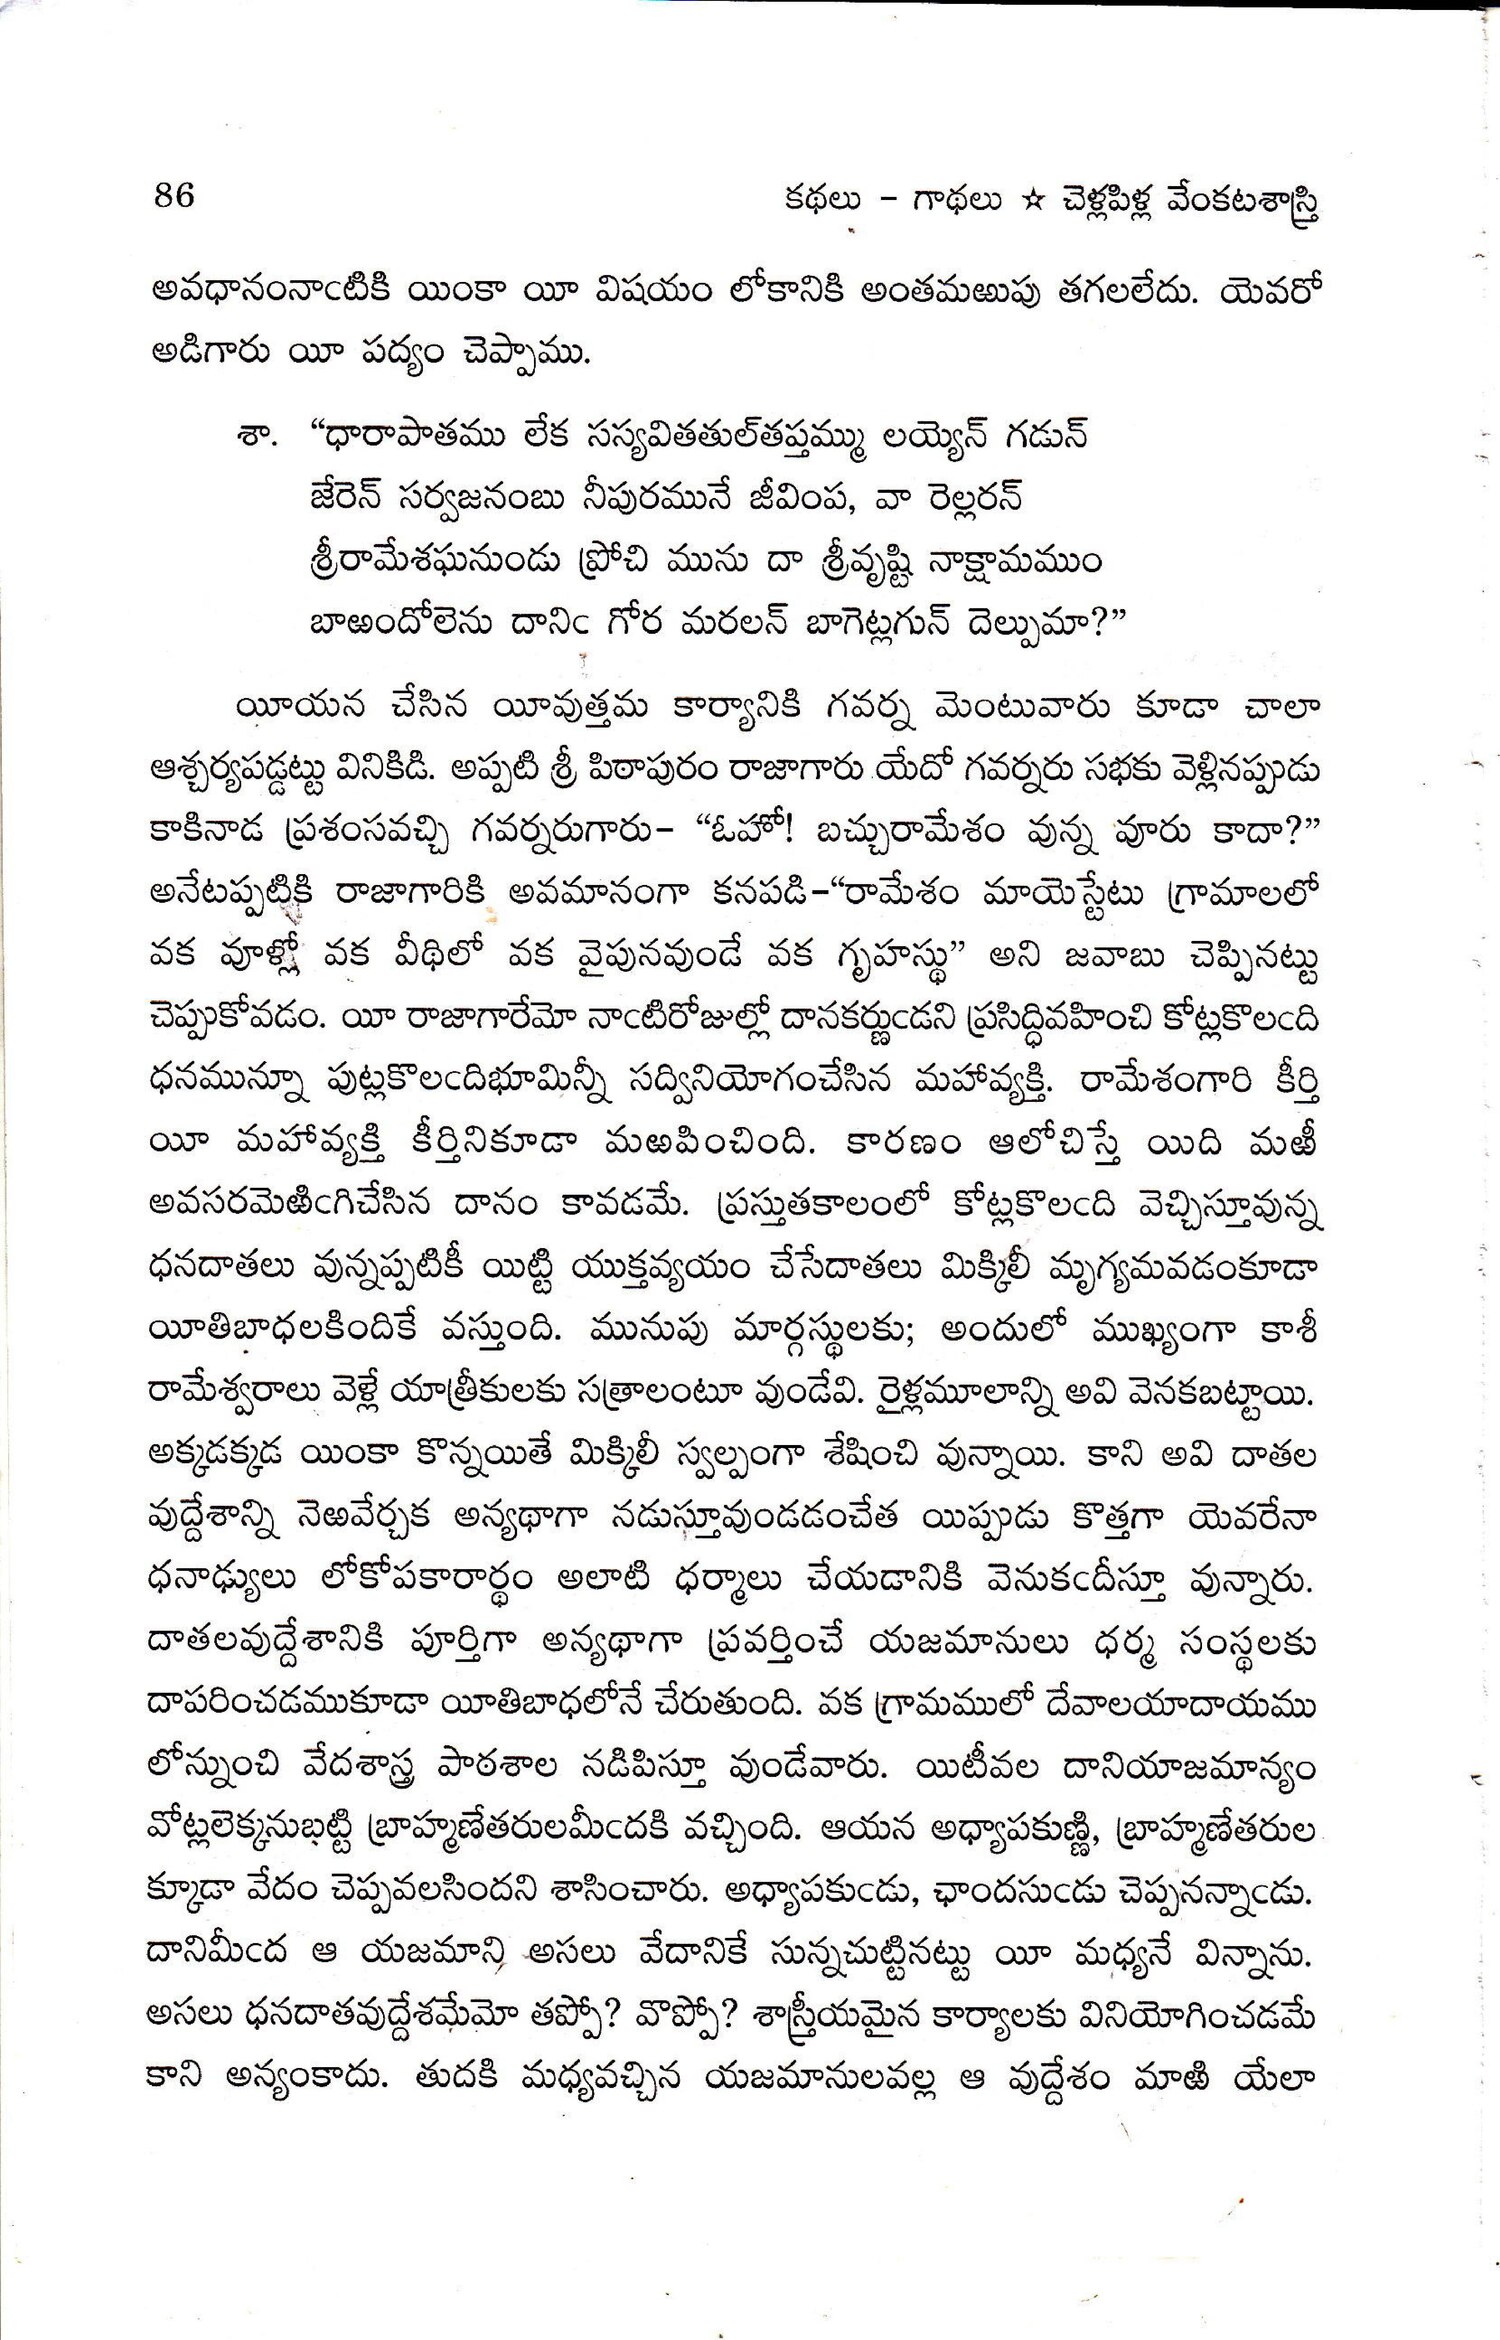అవధానంనాఁటికి యింకా యీ విషయం లోకానికి అంతమఱుపు తగలలేదు. యెవరో అడిగారు యీ పద్యం చెప్పాము.
శా. "ధారాపాతము లేక సస్యవితతుల్తప్తమ్మ లయ్యెన్ గడున్ జేరెన్ సర్వజనంబు నీపురమునే జీవింప, వా రెల్లరన్ శ్రీరామేశఘనుండు ప్రోచి మును దా శ్రీవృష్టి నాక్షామముం బాలందోలెను దానిఁ గోర మరలన్ బాగెట్లగున్ దెల్పుమా?”
యీయన చేసిన యీవుత్తమ కార్యానికి గవర్నమెంటువారు కూడా చాలా ఆశ్చర్యపడ్డట్టు వినికిడి. అప్పటి శ్రీ పిఠాపురం రాజాగారు యేదో గవర్నరు సభకు వెళ్లినప్పుడు కాకినాడ ప్రశంసవచ్చి గవర్నరుగారు- “ఓహో! బచ్చురామేశం వున్న వూరు కాదా?" అనేటప్పటికి రాజాగారికి అవమానంగా కనపడి-“రామేశం మాయెస్టేటు గ్రామాలలో వక వూల్లో వక వీథిలో వక వైపునవుండే వక గృహస్టు" అని జవాబు చెప్పినట్టు చెప్పుకోవడం. యీ రాజాగారేమో నాఁటిరోజుల్లో దానకర్ణుండని ప్రసిద్ధివహించి కోట్లకొలంది ధనమున్నూ పుట్లకొలందిభూమిన్నీ సద్వినియోగంచేసిన మహావ్యక్తి. రామేశంగారి కీర్తి యీ మహావ్యక్తి కీర్తినికూడా మఱపించింది. కారణం ఆలోచిస్తే యిది మటీ అవసరమెటింగిచేసిన దానం కావడమే. ప్రస్తుతకాలంలో కోట్లకొలంది వెచ్చిస్తూవున్న ధనదాతలు వున్నప్పటికీ యిట్టి యుక్తవ్యయం చేసేదాతలు మిక్కిలీ మృగ్యమవడంకూడా యీతిబాధలకిందికే వస్తుంది. మునుపు మార్గసులకు; అందులో ముఖ్యంగా కాశీ రామేశ్వరాలు వెళ్లే యాత్రీకులకు సత్రాలంటూ వుండేవి. రైళ్లమూలాన్ని అవి వెనకబట్టాయి. అక్కడక్కడ యింకా కొన్నయితే మిక్కిలీ స్వల్పంగా శేషించి వున్నాయి. కాని అవి దాతల వుద్దేశాన్ని నెఱవేర్చక అన్యథాగా నడుస్తూవుండడంచేత యిప్పడు కొత్తగా యెవరేనా ధనాధ్యులు లోకోపకారార్థం అలాటి ధర్మాలు చేయడానికి వెనుకందీస్తూ వున్నారు. దాతలవుద్దేశానికి పూర్తిగా అన్యథాగా ప్రవర్తించే యజమానులు ధర్మ సంస్థలకు దాపరించడముకూడా యీతిబాధలోనే చేరుతుంది. వక గ్రామములో దేవాలయాదాయము లోన్నుంచి వేదశాస్త్ర పాఠశాల నడిపిస్తూ వుండేవారు. యిటీవల దానియాజమాన్యం వోట్లలెక్కనుబట్టి బ్రాహ్మణేతరులమీందకి వచ్చింది. ఆయన అధ్యాపకుణ్ణి, బ్రాహ్మణేతరుల క్కూడా వేదం చెప్పవలసిందని శాసించారు. అధ్యాపకుండు, ఛాందసుండు చెప్పనన్నాండు. దానిమీంద ఆ యజమాని అసలు వేదానికే సున్నచుట్టినట్టు యీ మధ్యనే విన్నాను. అసలు ధనదాతవద్దేశమేమో తప్పో? వొప్పో? శాస్త్రీయమైన కార్యాలకు వినియోగించడమే కాని అన్యంకాదు. తుదకి మధ్యవచ్చిన యజమానులవల్ల ఆ వుద్దేశం మాటి యేలా
\